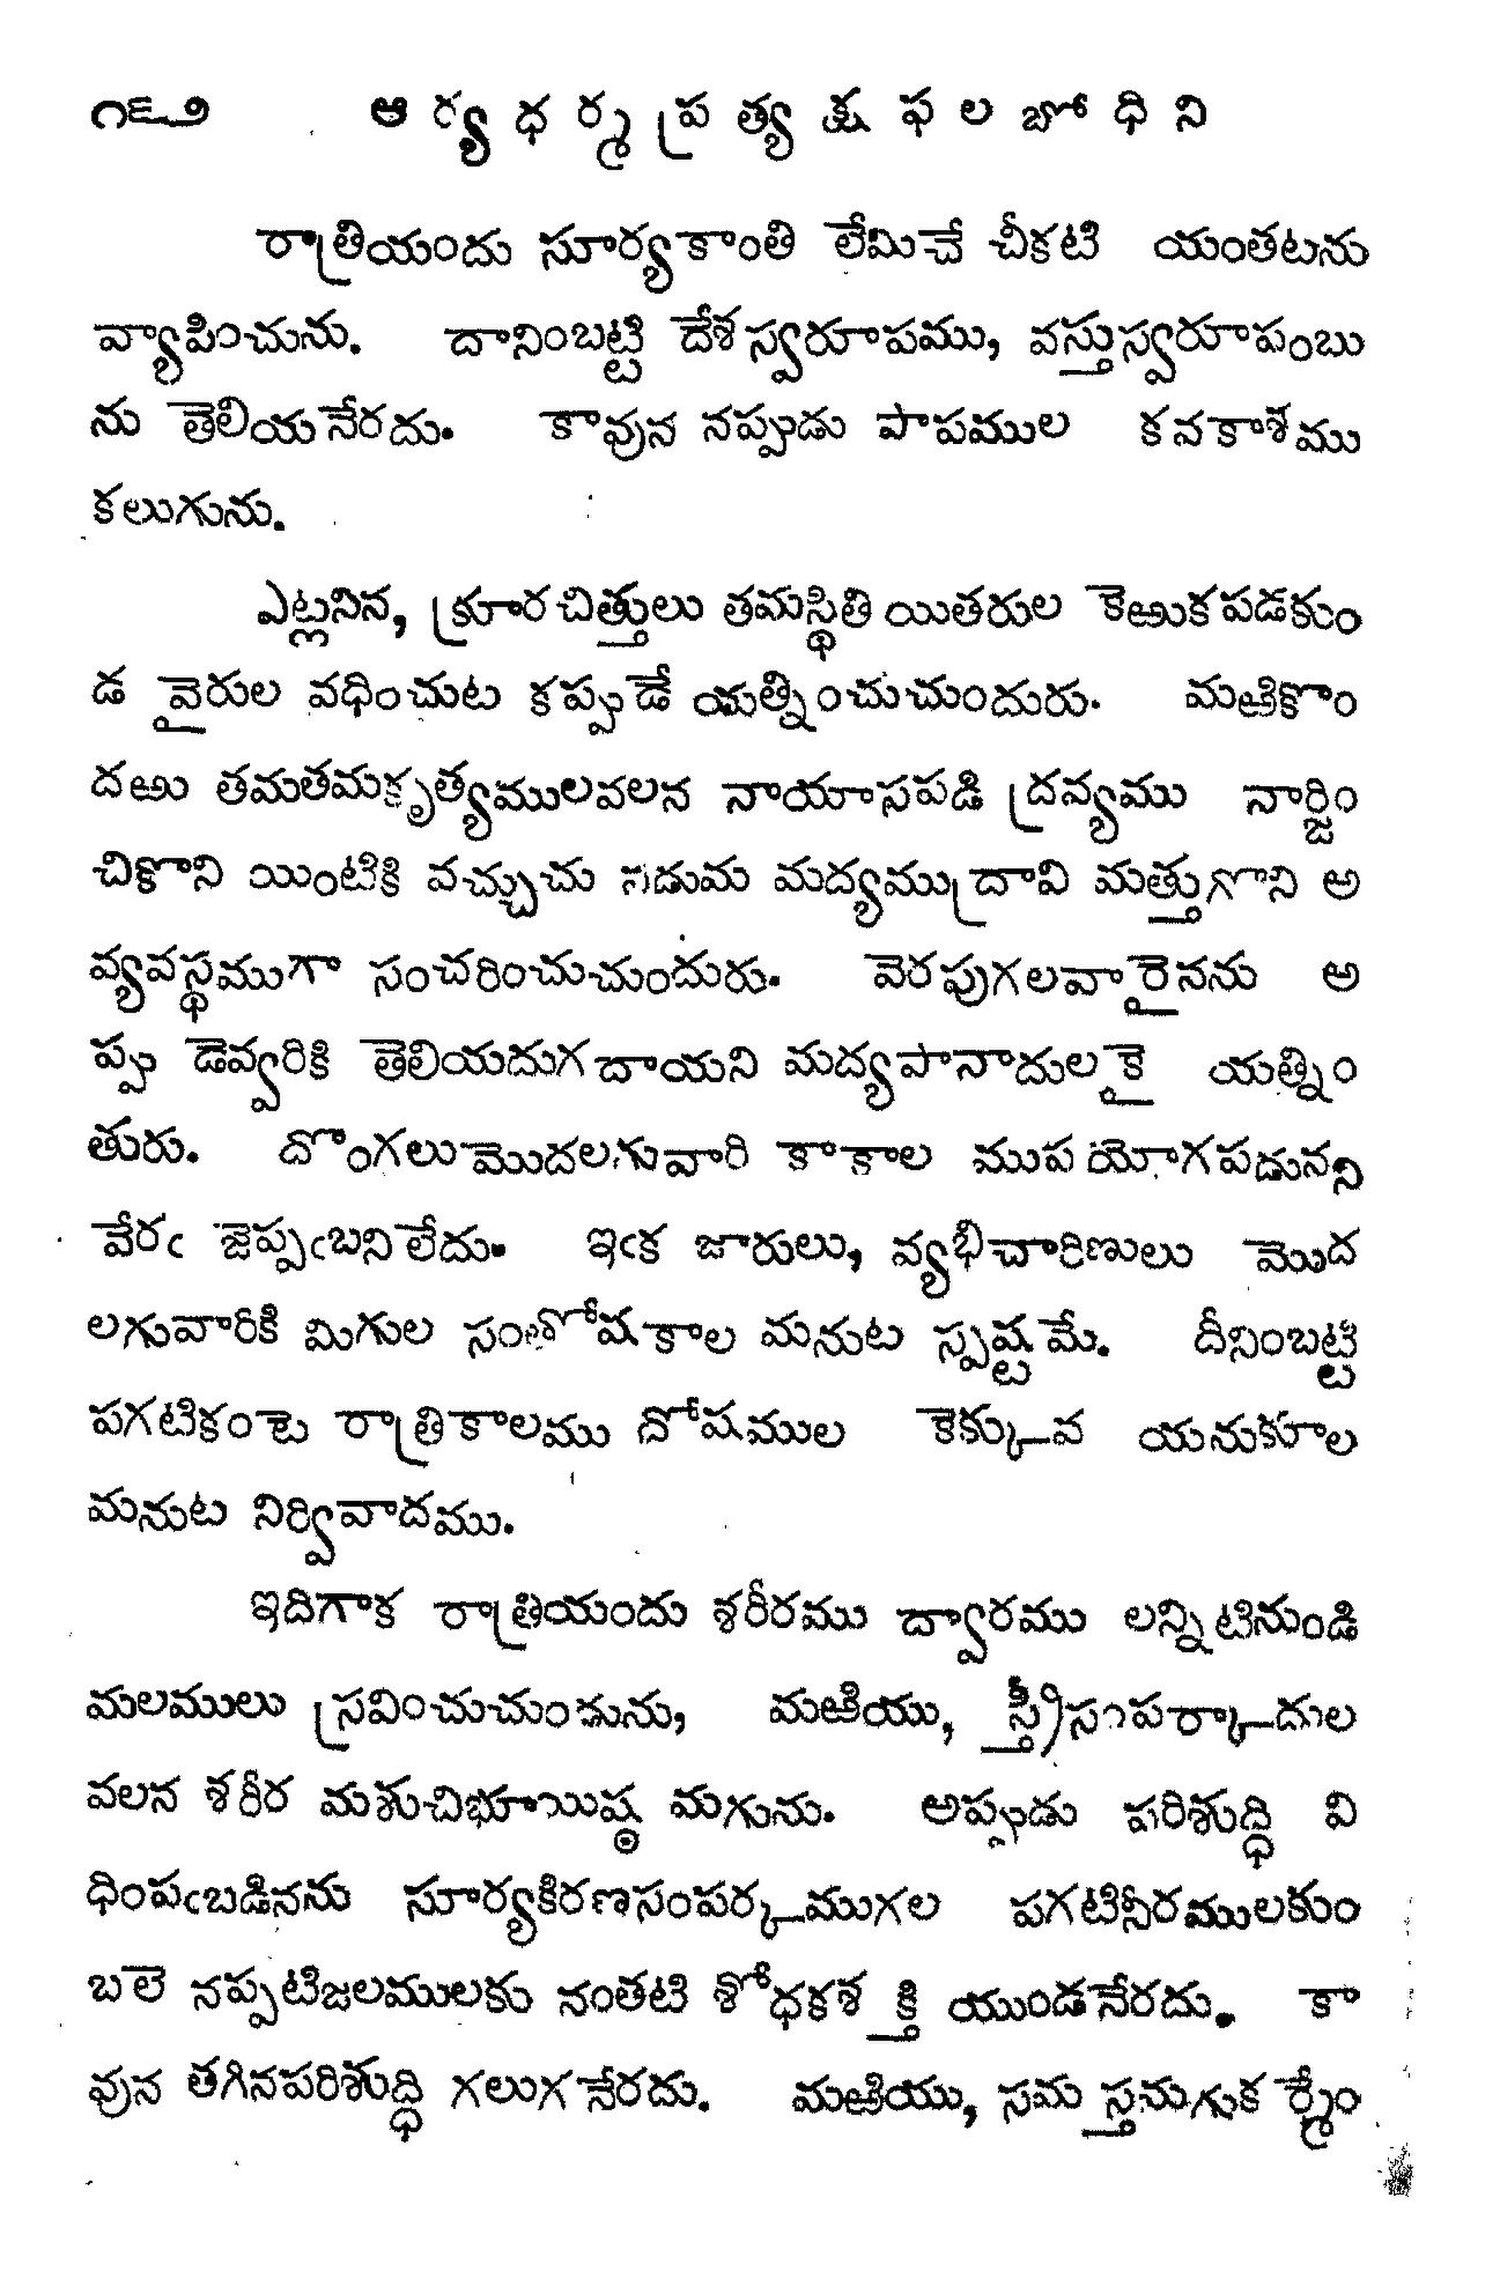రాత్రియందు సూర్యకాంతి లేమిచే చీకటి యంతటను వ్యాపించును. దానింబట్టి దేశస్వరూపము, వస్తుస్వరూపంబును తెలియనేరదు. కావున నప్పుడు పాపముల కవకాశము కలుగును.

ఎట్లనిన, క్రూరచిత్తులు తమస్థితి యితరుల కెఱుకపడకుండ వైరుల వధించుట కప్పుడే యత్నించుచుందురు. మఱికొందఱు తమతమకృత్యములవలన నాయాసపడి ద్రవ్యము నార్జించికొని యింటికి వచ్చుచు నడుమ మద్యముద్రావి మత్తుగొని అవ్యవస్థముగా సంచరించుచుందురు. వెరపుగలవారైనను అప్పు డెవ్వరికి తెలియదుగదాయని మద్యపానాదులకై యత్నింతురు. దొంగలుమొదలగువారి కాకాల ముపయోగపడునని వేరఁ జెప్పఁబనిలేదు. ఇఁక జారులు, వ్యభిచారిణులు మొదలగువారికి మిగుల సంతోషకాల మనుట స్పష్టమే. దీనింబట్టి పగటికంటె రాత్రికాలము దోషముల కెక్కువ యనుకూలమనుట నిర్వివాదము.

ఇదిగాక రాత్రియందు శరీరము ద్వారము లన్నిటినుండి మలములు స్రవించుచుండును, మఱియు, స్త్రీసంపర్కాదుల వలన శరీర మశుచిభూయిష్ఠ మగును. అప్పుడు పరిశుద్ధి విధింపఁబడినను సూర్యకిరణసంపర్కముగల పగటినీరములకుంబలె నప్పటిజలములకు నంతటి శోధకశక్తి యుండనేరదు. కావున తగినపరిశుద్ధి గలుగనేరదు. మఱియు, సమస్తమగుకర్మేం